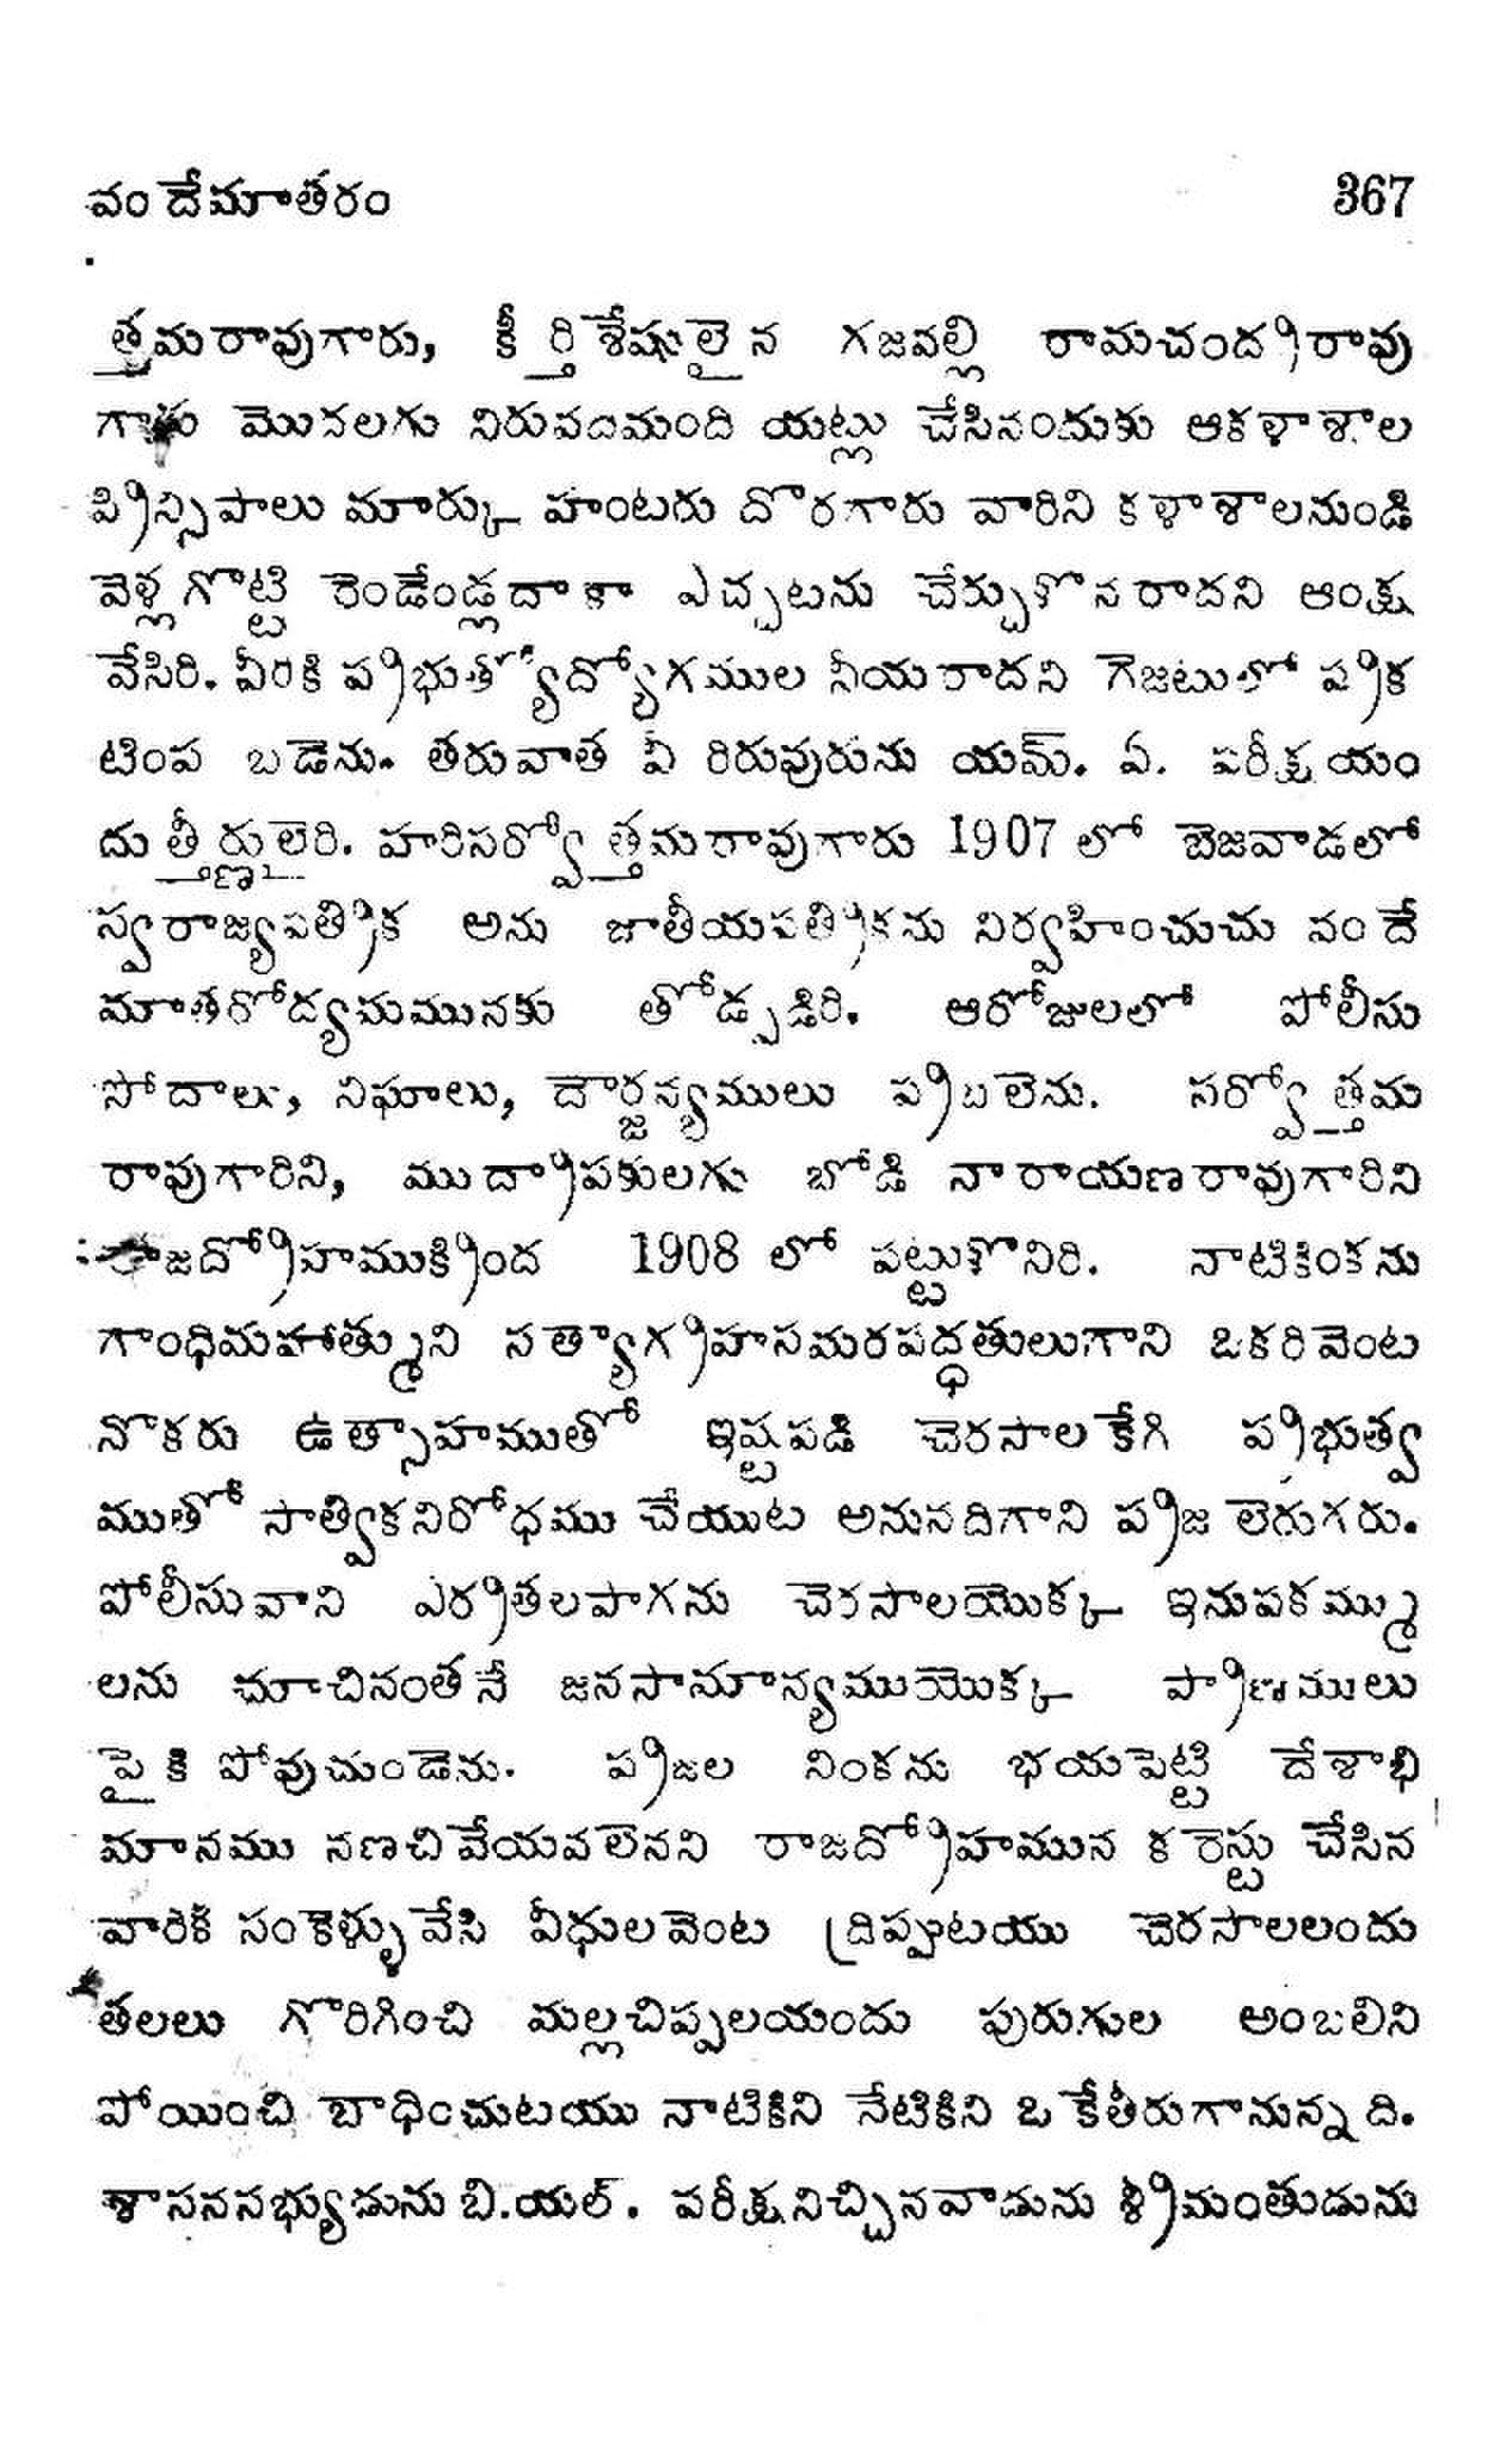త్తమరావుగారు, కీర్తిశేషులైన గజవల్లి రామచంద్రరావుగారు మొదలగు నిరువదిమంది యట్లు చేసినందుకు ఆకళాశాల ప్రిన్సిపాలు మార్కు హంటరు దొరగారు వారిని కళాశాలనుండి వెళ్లగొట్టి రెండేండ్లదాకా ఎచ్చటను చేర్చుకొనరాదని ఆంక్ష వేసిరి. వీరికి ప్రభుత్యద్యోగముల నీయరాదని గెజటులో ప్రకటింప బడెను. తరువాత వీ రిరువురును యమ్. ఏ. పరీక్షయం దుతీర్ణులైరి. హరిసర్వోత్తమరావుగారు 1907 లో బెజవాడలో స్వరాజ్యపత్రిక అను జాతీయపత్రికను నిర్వహించుచు వందేమాతరోద్యమమునకు తోడ్పడిరి. ఆరోజులలో పోలీసు సోదాలు, నిఘాలు, దౌర్జన్యములు ప్రబలెను. సర్వోత్తమరావు గారిని, ముద్రాపకులగు బోడి నారాయణరావుగారిని రాజద్రోహముక్రింద 1908 లో పట్టుకొనిరి. నాటికింకను గాంధిమహాత్ముని సత్యాగ్రహసమరపద్ధతులుగాని ఒకరివెంట నొకరు ఉత్సాహముతో ఇష్టపడి చెరసాలకేగి ప్రభుత్వముతో సాత్వికనిరోధము చేయుట అనునదిగాని ప్రజ లెరుగరు. పోలీసువాని ఎర్రతలపాగను చెరసాలయొక్క ఇనుపకమ్ములను చూచినంతనే జనసామాన్యముయొక్క ప్రాణములు పైకి పోవుచుండెను. ప్రజల నింకను భయపెట్టి దేశాభిమానము నణచి వేయవలెనని రాజద్రోహమున కరెస్టు చేసిన వారికి సంకెళ్ళువేసి వీధులవెంట ద్రిప్పుటయు చెరసాలలందు తలలు గొరిగించి మల్లచిప్పలయందు పురుగుల అంబలిని పోయించి బాధించుటయు నాటికిని నేటికిని ఒకేతీరుగానున్నది. శాసనసభ్యుడును బి.యల్. పరీక్ష నిచ్చినవాడును శ్రీమంతుడును